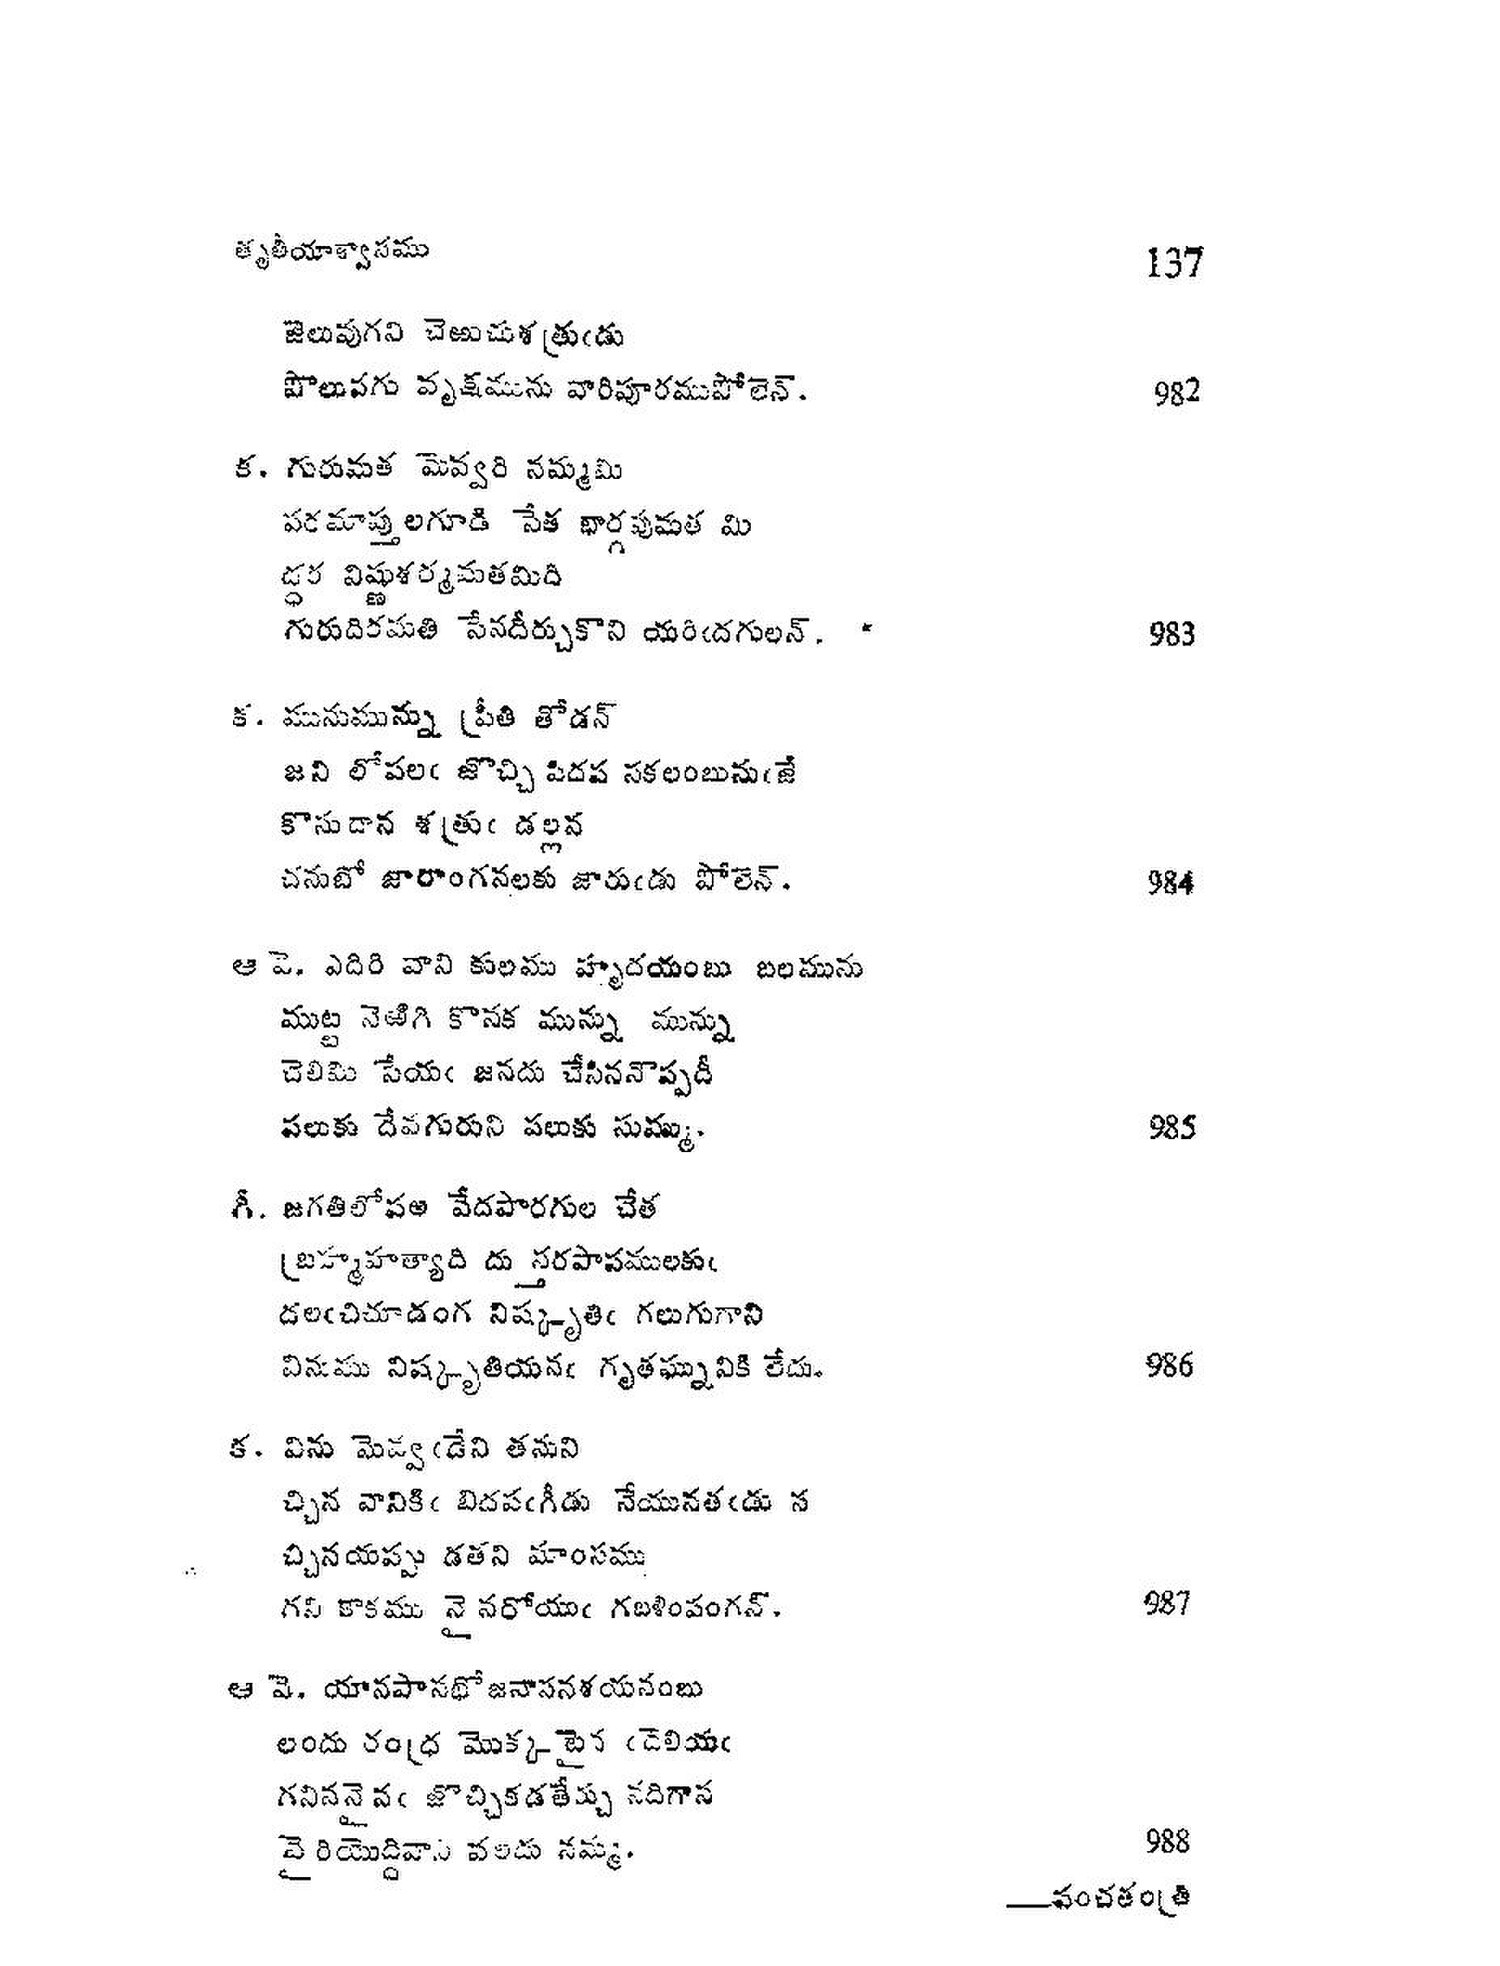జెలువుగని చెఱుచు శత్రుఁడు
పొలుపగు వృక్షమును వారిపూరముపోలెన్. 982

క. గురుమత మెవ్వరి నమ్మమి
పరమాప్తుల గూడి సేత భార్గవుమత మి
ద్ధర విష్ణుశర్మ మతమిది
గురుదిరమతి సేనదీర్చుకొని యరిఁదగులన్. 983

క. మునుమున్ను ప్రీతితోడన్
జని లోపలఁ డొచ్చి పిదప సకలంబునుఁ జై
కొనుదాన శత్రుఁ డల్లన
చనుబో జారాంగనలకు జారుఁడు పోలెన్. 984

ఆ. ఎదిరి వాని కులము హృదయంబు బలమును
ముట్ట నెఱిగి కొనక మున్ను మున్ను
చెలిమి సేయఁ జనదు చేసిననొప్పదీ
పలుకు దేవగురుని పలుకు సుమ్ము. 985

గీ. జగతిలోపల వేదపారగుల చేత
బ్రహ్మహత్యాది దుస్తరపాపములకుఁ
దలఁచిచూడంగ నిష్కృతిఁ గలుగుగాని
వినుము నిష్కృతియనఁ గృతఘ్నునికి లేదు. 986

క. విను మెవ్వఁడేని తనుని
చ్చిన వానికిఁ బిదపఁ గీడు సేయునతఁడు స
చ్చినయప్పు డతని మాంసము
గని కాకము నైన రోయుఁ గబళింపంగన్. 987

ఆ. యానపానభోజనాసనశయనంబు
లందు రంధ్ర మొక్కటైనఁ దెలియఁ
గనిననైనఁ జొచ్చి కడతేర్చు నదిగాన
వైరియొద్దివాని వలదు నమ్మ. 989